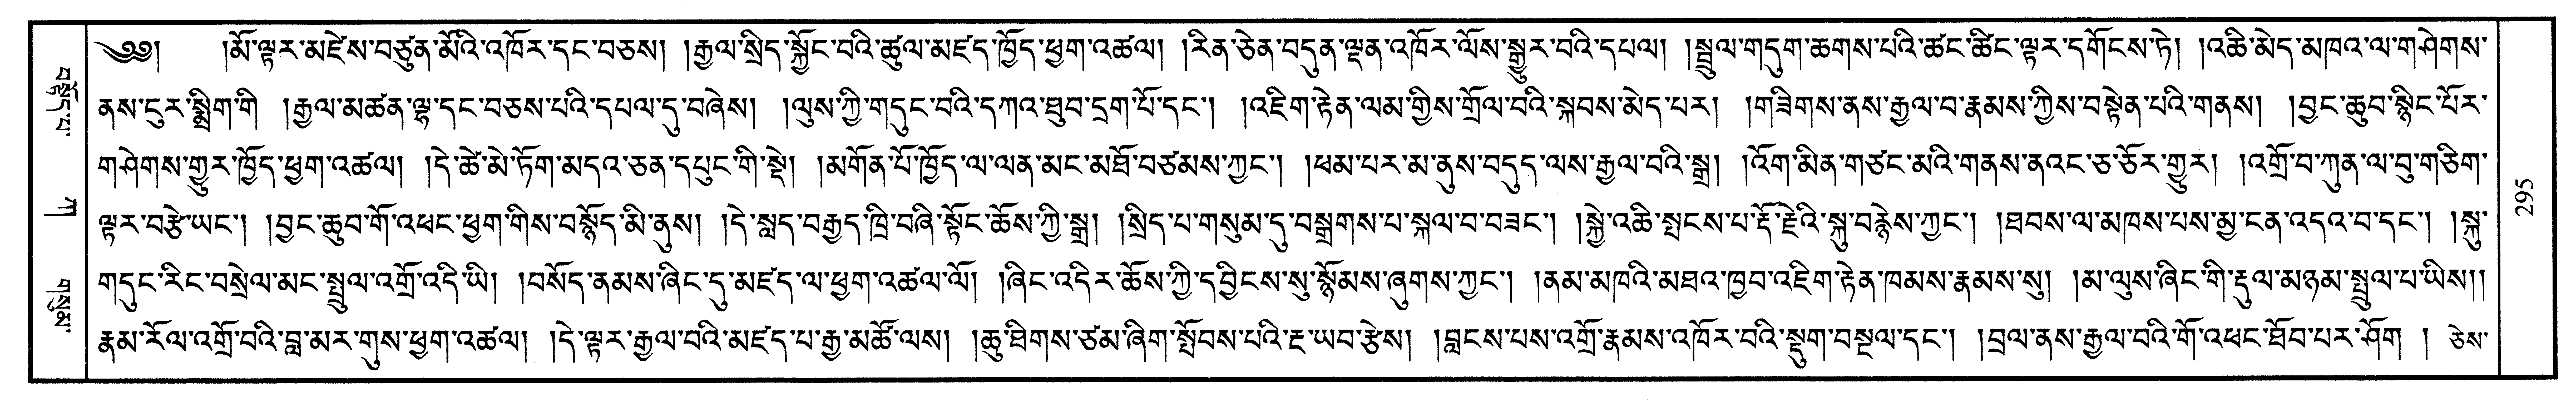༄༅། །མོ་ལྟར་མཛེས་བཙུན་མོའི་འཁོར་དང་བཅས། །རྒྱལ་སྲིད་སྐྱོང་བའི་ཚུལ་མཛད་ཁྱོད་ཕྱག་འཚལ། །རིན་ཅེན་བདུན་ལྡན་འཁོར་ལོས་སྒྱུར་བའི་དཔལ། །སྦྲུལ་གདུག་ཆགས་པའི་ཚང་ཚིང་ལྟར་དགོངས་ཏེ། །འཆི་མེད་མཁའ་ལ་གཤེགས་
ནས་ངུར་སྨྲིག་གི །རྒྱལ་མཚན་ལྷ་དང་བཅས་པའི་དཔལ་དུ་བཞེས། །ལུས་ཀྱི་གདུང་བའི་དཀའ་ཐུབ་དྲག་པོ་དང་། །འཇིག་རྟེན་ལམ་གྱིས་གྲོལ་བའི་སྐབས་མེད་པར། །གཟིགས་ནས་རྒྱལ་བ་རྣམས་ཀྱིས་བསྟེན་པའི་གནས། །བྱང་ཆུབ་སྙིང་པོར་
གཤེགས་གྱུར་ཁྱོད་ཕྱག་འཚལ། །དེ་ཚེ་མེ་ཏོག་མདའ་ཅན་དཔུང་གི་སྡེ། །མགོན་པོ་ཁྱོད་ལ་ལན་མང་མཐོ་བཙམས་ཀྱང་། །ཕམ་པར་མ་ནུས་བདུད་ལས་རྒྱལ་བའི་སྒྲ། །འོག་མིན་གཙང་མའི་གནས་ནའང་ཅ་ཅོར་གྱུར། །འགྲོ་བ་ཀུན་ལ་བུ་གཅིག་
ལྟར་བརྩེ་ཡང་། །བྱང་ཆུབ་གོ་འཕང་ཕྱག་གིས་བསྙོད་མི་ནུས། །དེ་སླད་བརྒྱད་ཁྲི་བཞི་སྟོང་ཆོས་ཀྱི་སྒྲ། །སྲིད་པ་གསུམ་དུ་བསྒྲགས་པ་སྐལ་བ་བཟང་། །སྐྱེ་འཆི་སྤངས་པ་རྡོ་རྗེའི་སྐུ་བརྙེས་ཀྱང་། །ཐབས་ལ་མཁས་པས་མྱ་ངན་འདའ་བ་དང་། །སྐུ་
གདུང་རིང་བསྲེལ་མང་སྤྲུལ་འགྲོ་འདི་ཡི། །བསོད་ནམས་ཞིང་དུ་མཛད་ལ་ཕྱག་འཚལ་ལོ། །ཞིང་འདིར་ཆོས་ཀྱི་དབྱིངས་སུ་སྙོམས་ཞུགས་ཀྱང་། །ནམ་མཁའི་མཐའ་ཁྱབ་འཇིག་རྟེན་ཁམས་རྣམས་སུ། །མ་ལུས་ཞིང་གི་རྡུལ་མཉམ་སྤྲུལ་པ་ཡིས།།
རྣམ་རོལ་འགྲོ་བའི་བླ་མར་གུས་ཕྱག་འཚལ། །དེ་ལྟར་རྒྱལ་བའི་མཛད་པ་རྒྱ་མཚོ་ལས། །ཆུ་ཐིགས་ཙམ་ཞིག་སྤོབས་པའི་རྔ་ཡབ་རྩེས། །བླངས་པས་འགྲོ་རྣམས་འཁོར་བའི་སྡུག་བསྔལ་དང་། །བྲལ་ནས་རྒྱལ་བའི་གོ་འཕང་ཐོབ་པར་ཤོག །ཅེས་